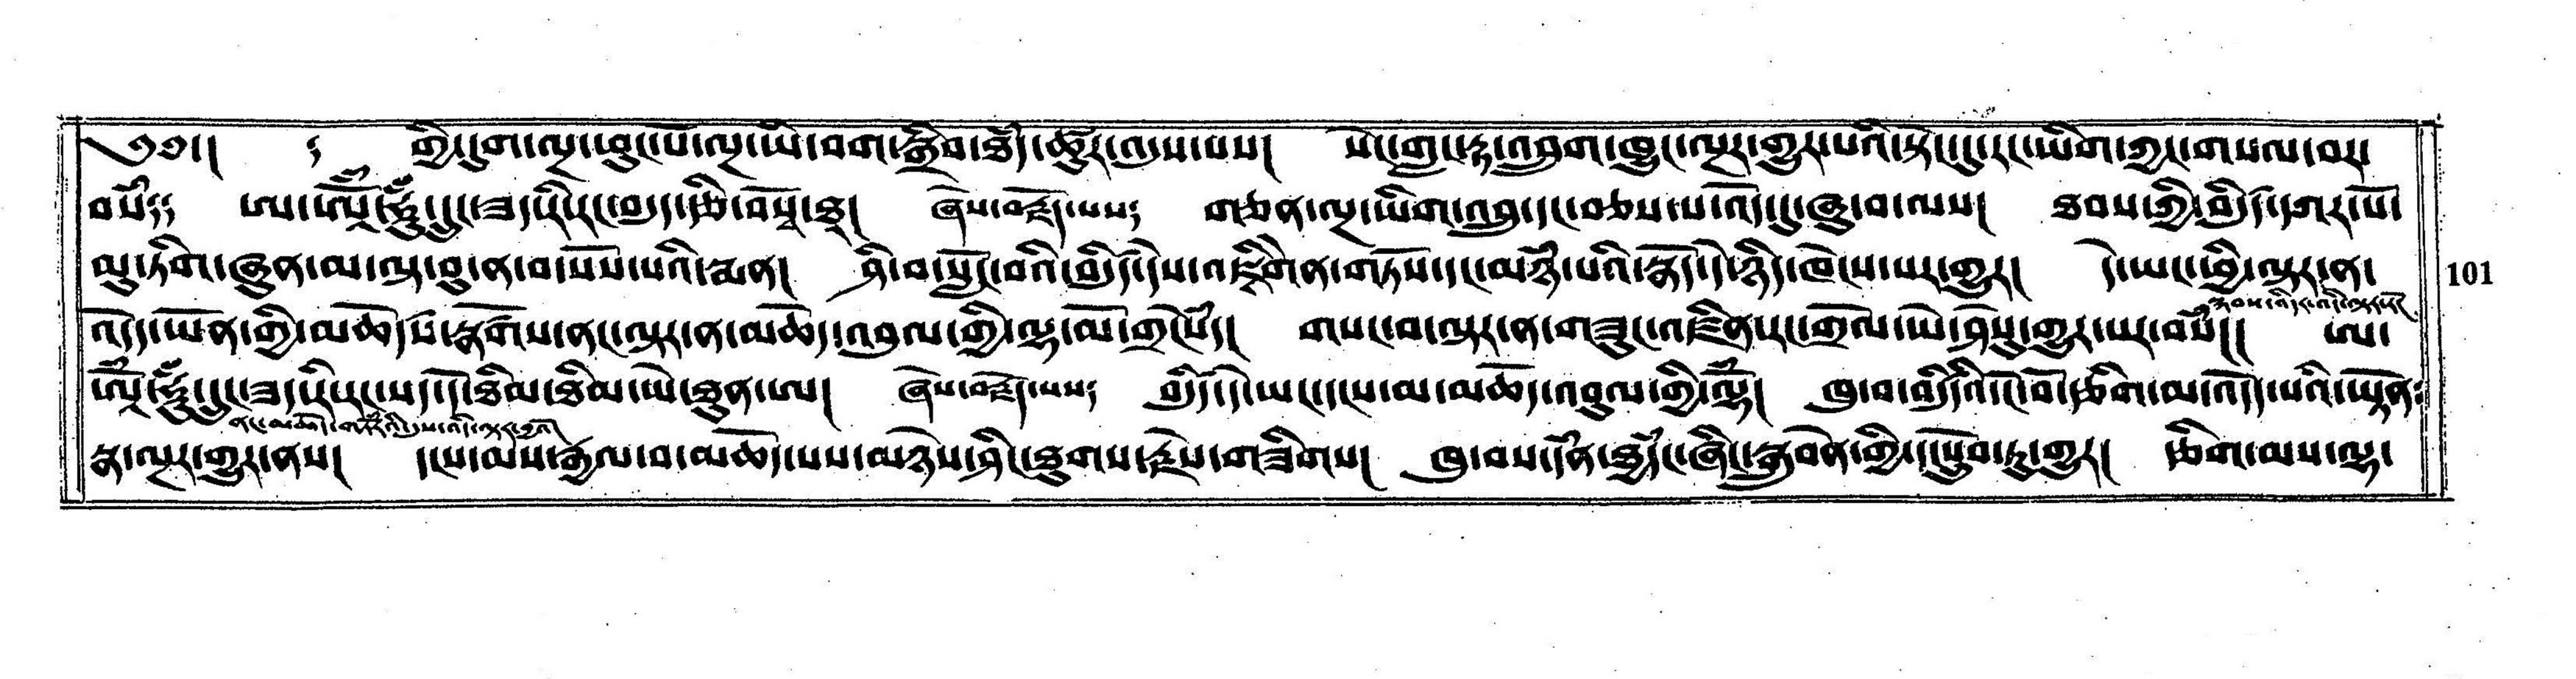གྱི་དུག་ལྔ་ཕུང་པོ་ལྔ་ཡི་བག་སྒྲིབ་ཐམས་ཅད་ཚུར་འདུས་པས། སེང་གླང་རྟ་འབྲུག་ཁྱུང་ལྔར་གྱུར་པའི་སྟེང་དུ་རང་ཡིག་ཀྱང་གསལ་བར་
བསམ། ཨ་ཨཱོཾ་ཧཱུྃ་དྲུང་ཟད་རི་རང་བདུད་རྩི་བསྭོ་ཐཱ། ཞེས་བརྗོད་པས གཅན་ལྔ་ཡིག་འབྲུ་དང་བཅས་པ་འོད་དུ་ཞུ་བ་ལས། ཐབས་ཀྱི་བདུད་རྩི་དཀར་པོ་
མུ་ཏིག་ཞུན་མ་ལྟ་བུ་ན་བ་སོས་པའི་སྨན། ཤི་བ་སློང་བའི་བདུད་རྩི་དེས་འཇིག་རྟེན་གཏོས་དང་མཉམ་པའི་སྣོད་དེ་ཉིད་ཁེངས་པར་གྱུར། དེ་ཡང་ཕྱི་ལྟར་(སྐབས་འདིར་འདི་ལྟར་རོ།) ན་
འདོད་ཡོན་གྱི་མཆོད་རྫས་སྣ་ཚོགས་ནང་ལྟར་ན་མཆོད་འབུལ་གྱི་ལྷ་མོ་གྲངས་མེད། གསང་བ་ལྟར་ན་གཟུང་འཛིན་རང་གྲོལ་ཡེ་ཤེས་སུ་གྱུར་པར་བསམ།། ཨ་
ཨཱོཾ་ཧཱུྃ་དྲུང་ཟད་རི་རང་སད་དོ་ཐིམ་ཐིམ་ཡེ་ཐུན་ཨ། (ནང་མཆོད་གཏོར་མའི་དུས་འདི་ལྟར་བྱའོ) ཞེས་བརྗོད་པས བདུད་རྩི་དེ་ཡང་དངས་མ་མཆོད་འབུལ་གྱི་ལྷ་མོ། ཁུ་བ་བདུད་རྩིའི་ངོ་བོ་རྩིག་མ་འདོད་པའི་ཡོན་ཏན་
སྣ་ལྔར་གྱུར་ནས། དངས་མས་རྒྱལ་བ་མཆོད་པས་མཉེས་ཤིང་ཐུགས་རྗེས་གཟིགས། ཁུ་བས་དམ་ཅན་ཐུགས་དམ་བསྐང་ཞིང་སྒྲུབ་གཤེན་གྱི་དངོས་གྲུབ་ཏུ་གྱུར། རྩིག་མས་ལྷ་